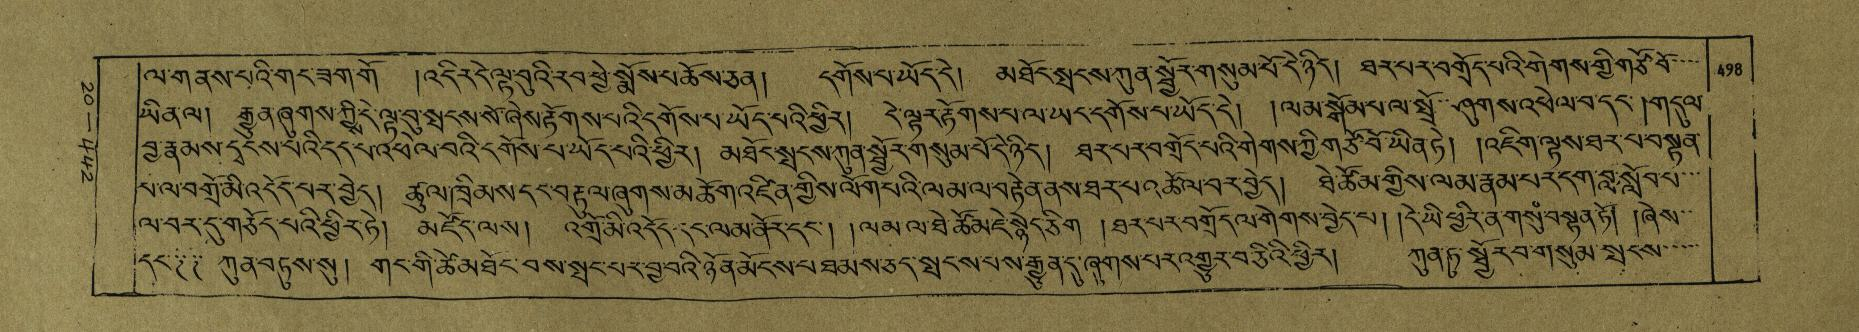ལ་གནས་པའི་གང་ཟག་གོ །འདིར་དེ་ལྟ་བུའི་རབ་ཕྱེ་སྨོས་པ་ཆོས་ཅན། དགོས་པ་ཡོད་དེ། མཐོང་སྤངས་ཀུན་སྦྱོར་གསུམ་པོ་དེ་ཉིད། ཐར་པར་བགྲོད་པའི་གེགས་གྱི་གཙོ་བོ་
ཡིན་ལ། རྒྱུན་ཞུགས་ཀྱིས་དེ་ལྟ་བུ་སྤངས་སོ་ཞེས་རྟོགས་པའི་དགོས་པ་ཡོད་པའི་ཕྱིར། དེ་ལྟར་རྟོགས་པ་ལ་ཡང་དགོས་པ་ཡོད་དེ། །ལམ་སྒོམ་པ་ལ་སྤྲོ་ཤུགས་འཕེལ་བ་དང་། གདུལ་
བྱ་རྣམས་དྭངས་པའི་དད་པ་འཕེལ་བའི་དགོས་པ་ཡོད་པའི་ཕྱིར། མཐོང་སྤངས་ཀུན་སྦྱོར་གསུམ་པོ་དེ་ཉིད། ཐར་པར་བགྲོད་པའི་གེགས་ཀྱི་གཙོ་བོ་ཡིན་ཏེ། །འཇིག་ལྟས་ཐར་པ་བསྟན་
པ་ལ་བགྲོ་མི་འདོད་པར་བྱེད། ཚུལ་ཁྲིམས་དང་བརྟུལ་ཞུགས་མཆོག་འཛིན་གྱིས་ལོག་པའི་ལམ་ལ་བརྟེན་ནས་ཐར་པ་འཚོལ་བར་བྱེད། ཐེ་ཚོམ་གྱིས་ལམ་རྣམ་པར་དག་བླ་སློབ་པ་
ལ་བར་དུ་གཅོད་པའི་ཕྱིར་ཏེ། མཛོད་ལས། འགྲོ་མི་འདོད་དང་ལམ་ནོར་དང་། །ལམ་ལ་ཐེ་ཚོམ་ཇེ་སྙེད་ཅིག །ཐར་པར་བགྲོད་ལ་གེགས་བྱེད་པ། །དེ་ཡི་ཕྱིར་ན་གསུཾ་བསྟན་ཏོ། །ཞེས་
དང༑ ༑ཀུན་བཏུས་སུ། གང་གི་ཚེ་མཐོང་བས་སྤང་བར་བྱ་བའི་ཉོན་མོངས་པ་ཐམས་ཅད་སྤངས་པས་རྒྱུན་དུ་ཞུགས་པར་འགྱུར་བ་ཅིའི་ཕྱིར། ཀུན་ཏུ་སྦྱོར་བ་གསུམ་སྤངས་